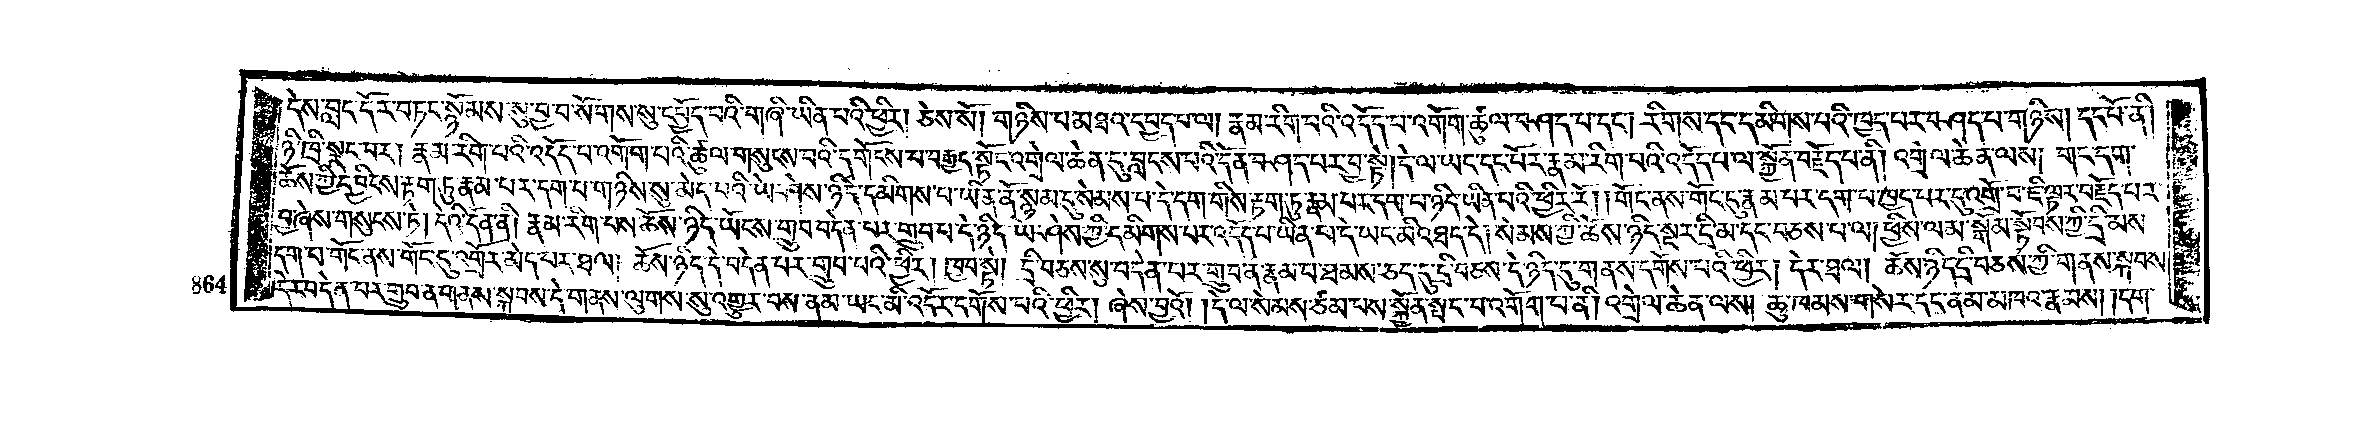དེས་བླང་དོར་བཏང་སྙོམས་སུ་བྱ་བ་སོགས་སུ་དཔྱོད་པའི་གཞི་ཡིན་པའི་ཕྱིར། ཅེས་སོ། གཉིས་པ་མཐའ་དཔྱད་པ་ལ། རྣམ་རིག་པའི་འདོད་པ་འགོག་ཚུལ་བཤད་པ་དང་། རིགས་དང་དམིགས་པའི་ཁྱད་པར་བཤད་པ་གཉིས། དང་པོ་ནི།
ཉི་ཁྲི་སྣང་བར། རྣམ་རིག་པའི་འདོད་པ་འགོག་པའི་ཚུལ་གསུངས་པའི་དགོངས་པ་བརྒྱད་སྟོང་འགྲེལ་ཆེན་དུ་བླངས་པའི་དོན་བཤད་པར་བྱ་སྟེ། དེ་ལ་ཡང་དང་པོར་རྣམ་རིག་པའི་འདོད་པ་ལ་སྐྱོན་བརྗོད་པ་ནི། འགྲེལ་ཆེན་ལས། གང་དག་
ཆོས་ཀྱི་དབྱིངས་རྟག་ཏུ་རྣམ་པར་དག་པ་གཉིས་སུ་མེད་པའི་ཡེ་ཤེས་ཉིད་དམིགས་པ་ཡིན་ནོ་སྙམ་དུ་སེམས་པ་དེ་དག་གིས་རྟག་ཏུ་རྣམ་པར་དག་པ་ཉིད་ཡིན་པའི་ཕྱིར་རོ། །གོང་ནས་གོང་དུ་རྣམ་པར་དག་པ་ཁྱད་པར་དུ་འགྲོ་བ་ཇི་ལྟར་བརྗོད་པར་
བྱ་ཞེས་གསུངས་ཏེ། དེའི་དོན་ནི། རྣམ་རིག་པས་ཆོས་ཉིད་ཡོངས་གྲུབ་བདེན་པར་གྲུབ་པ་དེ་ཉིད་ཡེ་ཤེས་ཀྱི་དམིགས་པར་འདོད་པ་ཡིན་པ་དེ་ཡང་མི་འཐད་དེ། སེམས་ཀྱི་ཆོས་ཉིད་སྔར་དྲི་མ་དང་བཅས་པ་ལ། ཕྱིས་ལམ་སྒོམ་སྟོབས་ཀྱི་དྲི་མས་
དག་པ་གོང་ནས་གོང་དུ་འགྲོར་མེད་པར་ཐལ། ཆོས་ཉིད་དེ་བདེན་པར་གྲུབ་པའི་ཕྱིར། ཁྱབ་སྟེ། དྲི་བཅས་སུ་བདེན་པར་གྲུབ་ན་རྣམ་པ་ཐམས་ཅད་དུ་དྲི་བཅས་དེ་ཉིད་དུ་གནས་དགོས་པའི་ཕྱིར། དེར་ཐལ། ཆོས་ཉིད་དྲི་བཅས་ཀྱི་གནས་སྐབས་
དེར་བདེན་པར་གྲུབ་ན་གནས་སྐབས་དེ་གནས་ལུགས་སུ་འགྱུར་བས་ནམ་ཡང་མི་འདོར་དགོས་པའི་ཕྱིར། ཞེས་བྱའོ། །དེ་ལ་སེམས་ཙམ་པས་སྐྱོན་སྤང་བ་འགོག་པ་ནི། འགྲེལ་ཆེན་ལས། ཆུ་ཁམས་གསེར་དང་ནམ་མཁའ་རྣམས། །དག་